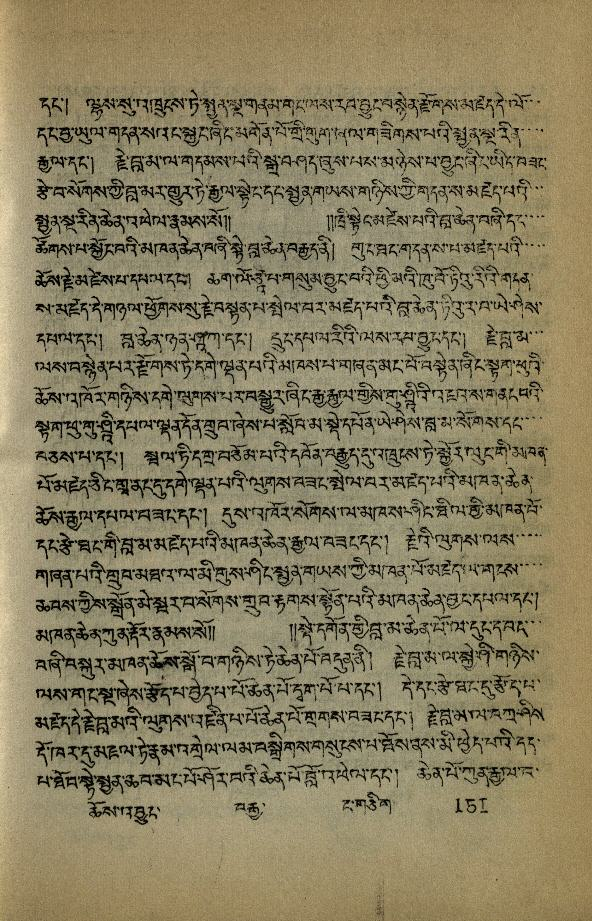དང་། ལྷས་སུ་འཁྲུངས་ཏེ་སྤྱན་སྔ་གནམ་གང་ལས་རབ་བྱུང་བསྙེན་རྫོགས་མཛད་དེ་ལོ་
དང་བྱ་ཡུལ་གདན་སའང་སྐྱང་ཞིང་མགོན་པོ་གྲི་གུག་ཞལ་གཟིགས་པའི་སྤྱན་སྔའི་ན་
རྒྱལ་དང་། རྗེ་བླ་མ་ལ་གདམས་པའི་སྒྲ་བཤད་ཞུས་པས་མཉེས་པ་བྱུང་ཞིང་ཡིད་བཟང་
རྩེ་བ་སོགས་ཀྱི་བླ་མར་གྱུར་ཏེ་རྒྱལ་སྟེང་དང་སྤྱན་གཡས་གཉིས་ཀྱི་གདན་ས་མཛད་པའི་
སྤྱན་སྔ་རིན་ཆེན་འཕེལ་རྣམས་སོ།། །།ཁྲི་སྟེང་མཛེས་པའི་བླ་ཆེན་བཞི་དང་
ཚོགས་པ་སྐྱོང་བའི་མཁན་ཆེན་བཞི་སྟེ་བླ་ཆེན་བརྒྱད་ནི། གུང་ཐང་གདན་ས་པ་མཛད་པའི་
ཆོས་རྗེ་མཛེས་པ་དཔལ་དང་། ཆག་ལོ་ཙཱ་པ་གསུམ་བྱུང་བའི་ཕྱི་མའི་ཁུ་བོ་ཏིའུ་རིའི་གདན་
ས་མཛད་དེ་གཉལ་ཕྱོགས་སུ་རྗེ་བསྟན་པ་སྤེལ་བར་མཛད་པའི་བླ་ཆེན་ཏིའུ་ར་བ་ཡེ་ཤེས་
དཔལ་དང་། བླ་ཆེན་ཉན་ཤཱཀ་དང་། དྲུང་དཔལ་རིའི་ལས་རབ་བྱུང་དང་། རྗེ་བླ་མ་
ལས་བསྙེན་པར་རྫོགས་ཏེ་དགེ་ལྡན་པའི་མཁས་པ་གཞན་མང་པོ་བསྟེན་ཞིང་སྟག་ཕུའི་
ཆོས་འཁོར་གཉིས་དགེ་ལུགས་པར་བསྒྱུར་ཞིང་རྒྱ་རྒྱལ་གྱིས་གུ་ཤྲཱིའི་འཇའ་ས་གནང་བའི་
སྟག་ཕུ་གུ་ཤྲཱི་དཔལ་ལྡན་དོན་གྲུབ་ཞེས་པ་སློབ་མ་སྡེ་དཔོན་ཡེ་ཤེས་བླ་མ་སོགས་དང་
བཅས་པ་དང་། སྦལ་ཏི་དགྲ་བཅོམ་པའི་དབོན་བརྒྱུད་དུ་འཁྲུངས་ཏེ་སྐྱོར་ལུང་གི་མཁན་
པོ་མཛད་ཅིང་གྲྭ་ནང་དུ་དགེ་ལྡན་པའི་ལུགས་བཟང་སྤེལ་བར་མཛད་པའི་མཁན་ཆེན་
ཆོས་རྒྱལ་དཔལ་བཟང་དང་། དུས་འཁོར་སོགས་ལ་མཁས་ཤིང་ཐིལ་གྱི་མཁན་པོ་
དང་རྩེ་ཐང་གི་བླ་མ་མཛད་པའི་མཁན་ཆེན་རྒྱལ་བཟང་དང་། རྗེའི་ལུགས་ལས་
གཞན་པའི་གྲུབ་མཐའ་ལ་མི་གུས་ཤིང་སྤྱན་གཡས་ཀྱི་མཁན་པོ་མཛད་ལ་གངས་
ཆབས་ཀྱིས་སྒྲོན་མེ་སྦར་བ་སོགས་གྲུབ་རྟགས་སྟོན་པའི་མཁན་ཆེན་བྱང་དཔལ་དང་།
མཁན་ཆེན་ཀུན་རྡོར་རྣམས་སོ།། །།སྡེ་དགོན་གྱི་བླ་མ་ཆེན་པོ་ལ་དུང་དབང་
བཞི་བསྐུར་མཁན་ཆོས་སྒོ་བ་གཉིས་ཏེ་ཆེན་པོ་བདུན་ནི། རྗེ་བླ་མ་ལ་སྐྱེ་ཤི་གཉིས་
ལས་གང་སྔ་ཞེས་རྩོད་པ་བྱེད་པ་པོ་ཆེན་པོ་དྭག་པོ་པ་དང་། དེ་དང་རྩེ་ཐང་དུ་རྩོད་པ་
མཛད་དེ་རྗེ་བླ་མའི་ལུགས་འཛིན་པ་པོ་ཆེན་པོ་གྲགས་བཟང་དང་། རྗེ་བླ་མ་ལ་བཀྲ་ཤིས་
དོ་ཁར་དུ་མཇལ་ཏེ་རྣམ་འགྲེལ་ལམ་བསྒྲིགས་གསུངས་པ་ཐོས་ནས་མི་ཕྱེད་པའི་དད་
པ་ཐོབ་སྟེ་སྤྱན་ཆབ་མང་པོ་ཤོར་བའི་ཆེན་པོ་བློ་འཕེལ་དང་། ཆེན་པོ་ཀུན་རྒྱལ་བ་